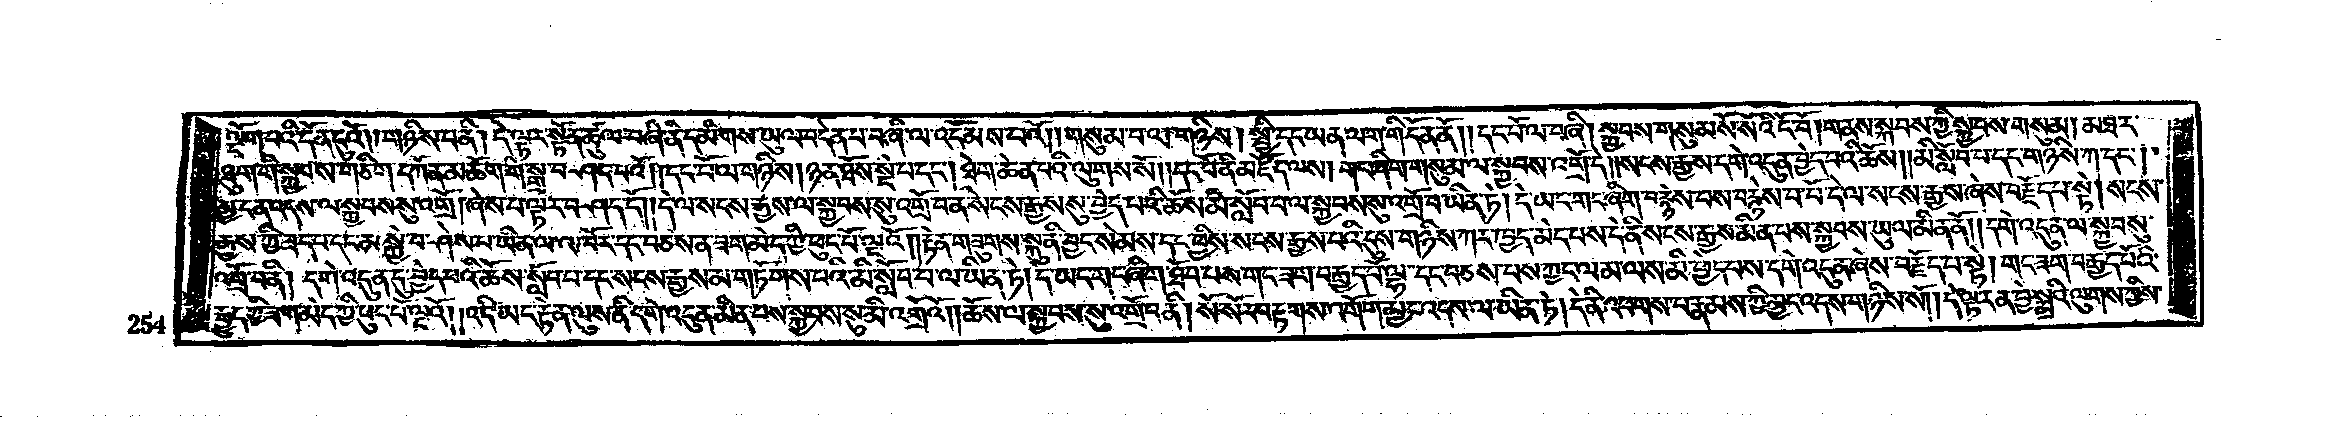ལྡོག་པའི་དོན་དུའོ། །གཉིས་པ་ནི། དེ་ལྟར་སྟོན་ཚུལ་བཞི་ནི་དམིགས་ཡུལ་བདེན་པ་བཞི་ལ་འདོམས་པའོ། །གསུམ་པ་ལ་གཉིས། སྤྱི་དང་ཡན་ལག་གི་དོན་ནོ། །དང་པོ་ལ་བཞི། སྐྱབས་གསུམ་སོ་སོའི་ངོ་བོ། གནས་སྐབས་ཀྱི་སྐྱབས་གསུམ། མཐར་
ཐུག་གི་སྐྱབས་གཅིག་དཀོན་མཆོག་གི་སྒྲ་བཤད་པའོ། །དང་པོ་ལ་གཉིས། ཉན་ཐོས་སྡེ་པ་དང་། ཐེག་ཆེན་པའི་ལུགས་སོ། །དང་པོ་ནི་མཛོད་ལས། གང་ཞིག་གསུམ་ལ་སྐྱབས་འགྲོ་དེ། །སངས་རྒྱས་དགེ་འདུན་བྱེད་པའི་ཆོས། །མི་སློབ་པ་དང་གཉིས་ཀ་དང་།
མྱ་ངན་འདས་ལ་སྐྱབས་སུ་འགྲོ། ཞེས་པ་ལྟར་བཤད་དོ། །དེ་ལ་སངས་རྒྱས་ལ་སྐྱབས་སུ་འགྲོ་བ་ནི་སངས་རྒྱས་སུ་བྱེད་པའི་ཆོས་མི་སློབ་པ་ལ་སྐྱབས་སུ་འགྲོ་བ་ཡིན་ཏེ། དེ་ཡང་གང་ཞིག་བརྙེས་པས་བརྙེས་པ་པོ་དེ་ལ་སངས་རྒྱས་ཞེས་བརྗོད་པ་སྟེ། སངས་
རྒྱས་ཀྱི་ཟད་པ་དང་མ་སྐྱེ་བ་ཤེས་པ་ཡིན་ལ་འཁོར་དང་བཅས་ན་ཟག་མེད་ཀྱི་ཕུང་པོ་ལྔའོ། །རྟེན་གཟུགས་སྐུ་ནི་བྱང་སེམས་དང་ཕྱིས་སངས་རྒྱས་པའི་དུས་གཉིས་ཀར་ཁྱད་མེད་པས་དེ་ནི་སངས་རྒྱས་མིན་པས་སྐྱབས་ཡུལ་མིན་ནོ། །དགེ་འདུན་ལ་སྐྱབས་སུ་
འགྲོ་བ་ནི། དགེ་འདུན་དུ་བྱེད་པའི་ཆོས་སློབ་པ་དང་སངས་རྒྱས་མ་གཏོགས་པའི་མི་སློབ་པ་ལ་ཡིན་ཏེ། དེ་ཡང་གང་ཞིག་ཐོབ་པས་གང་ཟག་བརྒྱད་པོ་ལྷ་དང་བཅས་པས་ཀྱང་ལམ་ལས་མི་ཕྱེད་པས་དགེ་འདུན་ཞེས་བརྗོད་པ་སྟེ། གང་ཟག་བརྒྱད་པོའི་
རྒྱུད་ཀྱི་ཟག་མེད་ཀྱི་ཕུང་པོ་ལྔའོ། །འདི་ཡང་རྟེན་ལུས་ནི་དགེ་འདུན་མིན་པས་སྐྱབས་སུ་མི་འགྲོའོ། །ཆོས་ལ་སྐྱབས་སུ་འགྲོ་བ་ནི། སོ་སོར་བརྟགས་འགོག་མྱང་འདས་ལ་ཡིན་ཏེ། དེ་ནི་འཕགས་པ་རྣམས་ཀྱི་མྱང་འདས་གཉིས་སོ། །དེ་ལྟར་ན་བྱེ་སྨྲའི་ལུགས་ཀྱིས་